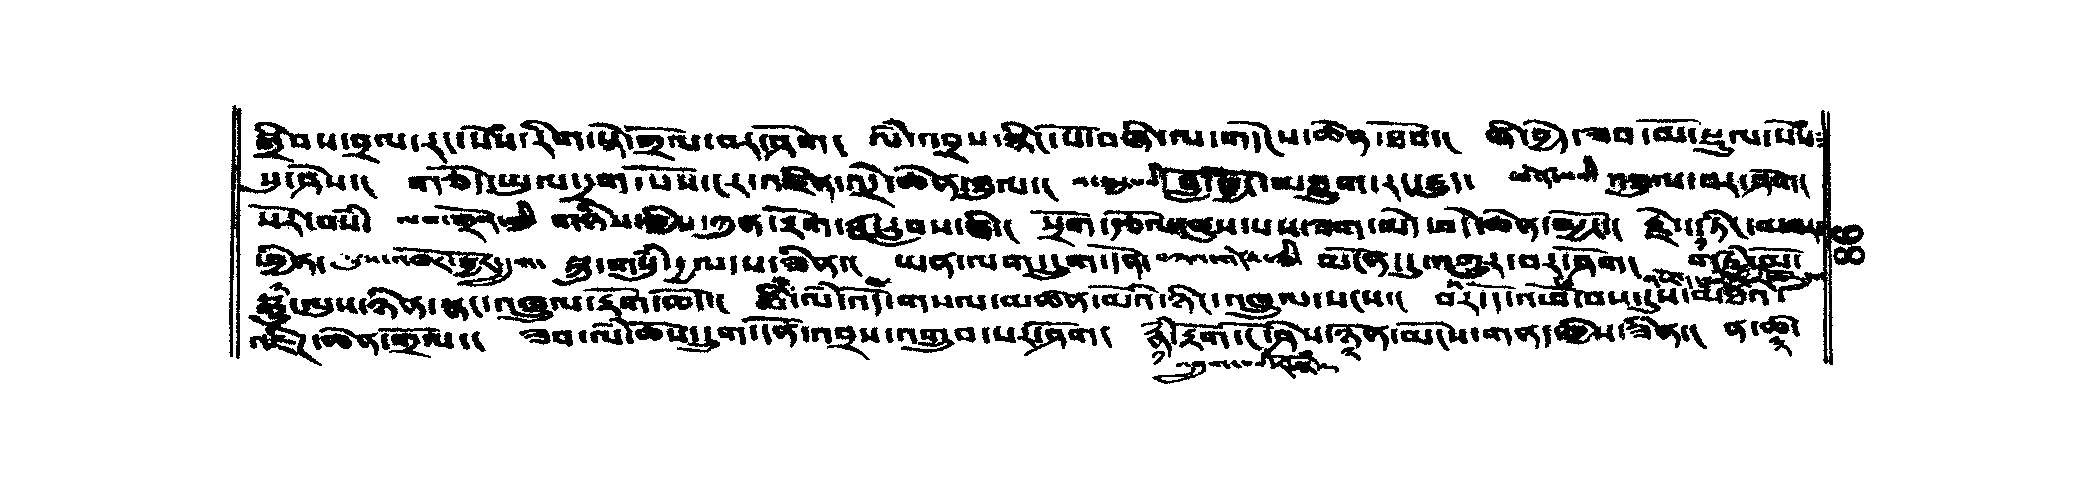།སྒྲིབས་བྲལ་རང་སེམས་རིག་སྟེ་གྲོལ་བར་ཤོག།ལམ་འབྲས་སྙིང་པོ་བཞི་ལ་གདེངས་ཆེན་ཐོབ། །ཞི་བྱེད་ཟབ་མོ་སྡུག་བསྔལ་སེམས་
སུ་ཤེས། །གཅོད་ཡུལ་དྲག་པོས་ངར་འཛིན་འདྲེ་ཆེན་ཐུལ། །བློ་སྦྱོང་མཐར་ཐུུག་རང་རྒྱུད་འཐུལ་བར་ཤོག །
སོར་བསམ་གཉིས་ཀྱིས་ཀུན་རྟོག་རྦ་རླབས་ཞི། །སྲོག་རྩོལ་ནུས་པས་ཟག་མེད་བདེ་ཆེན་མྱོང་། རྗེས་ཏིང་མཐར་
ཕྱིན་སྐུ་གསུམ་རྒྱལ་ས་ཟིན། །ཡན་ལག་དྲུག་དོན་མངོན་དུ་འགྱུར་བར་ཤོག །གཏུམ་མོ་
སྒྱུ་ལུས་ཉིན་སྣང་འཁྲུལ་རྟོག་ཆོད། །སྨི་ལམ་འོད་གསལ་མཚན་མོའི་ཉིང་འཁྲུལ་སངས། །བར་དོ་འཕོ་བས་དུས་མཐའི་
འཇིགས་ཆེན་གྲོལ། །ཟབ་ལམ་ཆོས་དྲུག་དོན་འབྲས་འགྲུབ་པར་ཤོག །རྣམ་རྟོག་ངོ་ཤེས་ཉོན་མོངས་གནད་གྱིས་ཟིན། །ན་ཚ་